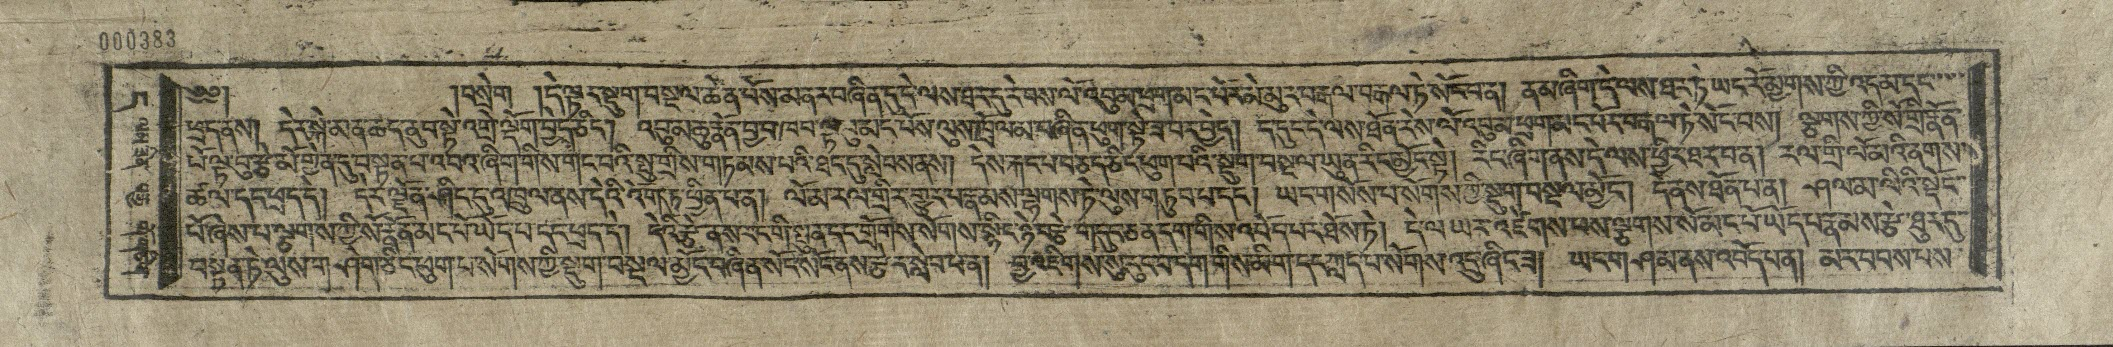༄༅། །བསྲེག །དེ་ལྟར་སྡུག་བསྔལ་ཆེན་པོས་མནར་བཞིན་དུ་དེ་ལས་ཐར་དུ་རེ་བས་ལོ་འབུམ་ཕྲག་མང་པོར་མེ་མུར་བརྒལ་བརྒལ་ཏེ་སོང་བ་ན། ནམ་ཞིག་དེ་ལས་ཐར་ཏེ་ཡང་རོ་མྱགས་ཀྱི་འདམ་དང་
ཕྲད་ནས། དེར་སྐེ་མན་ཆད་ནུབ་སྟེ་འགྲེ་ལྡོག་བྱེད་ཅིང་། འབུ་མཆུ་རྣོན་བྱ་བ་ཁབ་ལྟ་བུ་མང་པོས་ལུས་ཁྲོལ་མ་བཞིན་ཕུག་སྟེ་ཟ་བར་བྱེད། ད་དུང་དེ་ལས་ཐོན་རེས་ལོ་འབུམ་ཕྲག་མང་པོར་བརྒལ་ཏེ་སོང་བས། ལྕགས་ཀྱི་སོ་གྲི་རྣོན་
པོ་ལྟ་བུ་རྩེ་མོ་གྱེན་དུ་བསྟན་པ་འབའ་ཞིག་གིས་གང་བའི་སྤུ་གྲིས་གཏམས་པའི་ཐང་དུ་སླེབས་ནས། དེས་རྐང་པ་བཅད་ཅིང་ཕུག་པའི་སྡུག་བསྔལ་ཡུན་རིང་མྱོང་སྟེ། རིང་ཞིག་ནས་དེ་ལས་ཕྱིར་ཐར་པ་ན། རལ་གྲི་ལོ་མའི་ནགས་
ཚལ་དང་ཕྲད་དེ། དེར་ལྗོན་ཤིང་དུ་འཁྲུལ་ནས་དེའི་འོག་ཏུ་ཕྱིན་པ་ན། ལོ་མ་རལ་གྲིར་གྱུར་པ་རྣམས་ལྷགས་ཏེ་ལུས་གཏུབ་པ་དང་། ཡང་གསོས་པ་སོགས་ཀྱི་སྡུག་བསྔལ་མྱོང་། དེ་ནས་ཐོན་པ་ན། ཤལ་མ་ལིའི་སྡོང་
པོ་ཞེས་པ་ལྕགས་ཀྱི་སོ་རྣོན་མང་པོ་ཡོད་པ་དང་ཕྲད་དེ། དེའི་རྩེ་ནས་རང་གི་སྤུན་དང་གྲོགས་སོགས་སྙིང་ཉེ་བརྩེ་གདུང་ཅན་དག་གིས་འབོད་པར་ཐོས་ཏེ། དེ་ལ་ཡར་འཛེགས་པས་ལྕགས་སོ་མང་པོ་ཡོད་པ་རྣམས་རྩེ་ཐུར་དུ་
བསྟན་ཏེ་ལུས་གཤེག་ཅིང་ཕུག་པ་སོགས་ཀྱི་སྡུག་བསྔལ་མྱོང་བཞིན་སོང་སོང་ནས་རྩེར་སླེབ་པ་ན། བྱ་འཇིགས་སུ་རུང་བ་དག་གིས་མིག་དང་ཀླད་པ་སོགས་འདྲུ་ཞིང་ཟ། ཡང་གཤམ་ནས་འབོད་པ་ན། མར་བབས་པས་